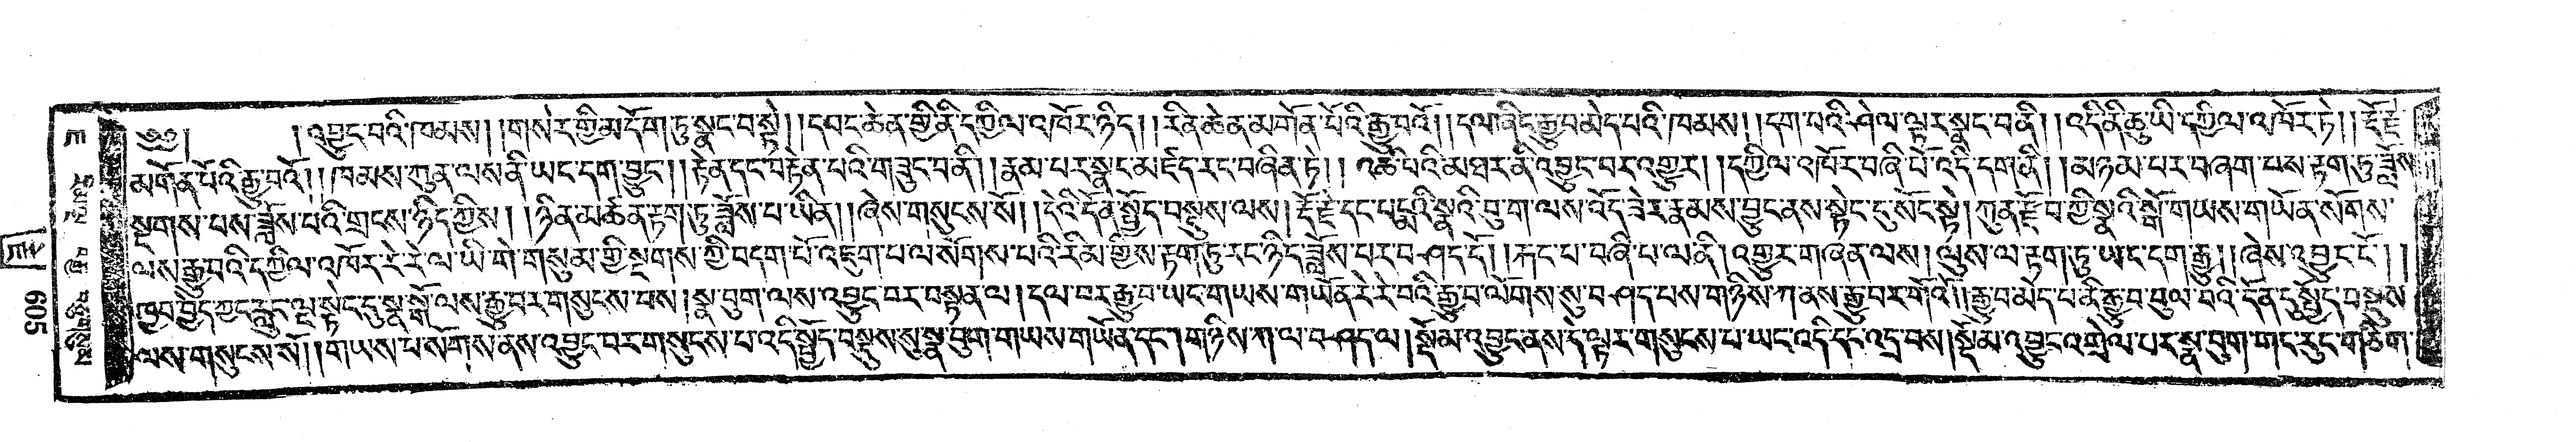༄༅། །འབྱུང་བའི་ཁམས། །གསེར་གྱི་མདག་ཏུ་སྣང་བ་སྟེ། །དབང་ཆེན་གྱི་ནི་དཀྱིལ་འཁོར་ཉིད། །རིན་ཆེན་མགོན་པོའི་རྒྱུ་བའོ། །དལ་ཞིང་རྒྱུ་བ་མེད་པའི་ཁམས། །དག་པའི་ཤེལ་ལྟར་སྣང་བ་ནི། །འདི་ནི་ཆུ་ཡི་དཀྱིལ་འཁོར་ཏེ། །རྡོ་རྗེ་
མགོན་པོའི་རྒྱུ་བའོ། །ཁམས་ཀུན་ལས་ནི་ཡང་དག་བྱུང་། །རྟེན་དང་བརྟེན་པའི་གཟུང་བ་ནི། །རྣམ་པར་སྣང་མཛད་རང་བཞིན་ཏེ། འཆི་བའི་མཐར་ནི་འབྱུང་བར་འགྱུར། །དཀྱིལ་འཁོར་བཞི་པོ་འདི་དག་ནི། །མཉམ་པར་བཞག་པས་རྟག་ཏུ་ཟློས། །
སྔགས་པས་ཟློས་པའི་གྲངས་ཉིད་ཀྱིས། །ཉིན་མཚན་རྟག་ཏུ་ཟློས་པ་ཡིན། །ཞེས་གསུངས་སོ། །དེའི་དོན་སྤྱོད་བསྡུས་ལས། རྡོ་རྗེ་དང་པདམའི་སྣའི་བུ་ག་ལས་འོད་ཟེར་རྣམས་བྱུང་ནས་སྟེང་དུ་སོང་སྟེ། ཀུན་རྫོབ་ཀྱི་སྣའི་སྒོ་གཡས་གཡོན་སོགས་
ལས་རྒྱུ་བའི་དཀྱིལ་འཁོར་རེ་རེ་ལ་ཡི་གེ་གསུམ་གྱི་སྔགས་ཀྱི་བདག་པོ་འཇུག་པ་ལ་སོགས་པའི་རིམ་གྱིས་རྟག་ཏུ་རང་ཉིད་ཟློས་པར་བཤད་དོ། །རྐང་པ་བཞི་པ་ལ་ནི། འགྱུར་གཞན་ལས། ལུས་ལ་རྟག་ཏུ་ཡང་དག་རྒྱུ། །ཞེས་འབྱུང་ངོ། །
ཁྱབ་བྱེད་ཀྱང་རླུང་ལྔ་སྟེང་དུ་སྣ་སྒོ་ལས་རྒྱུ་བར་གསུངས་པས། སྣ་བུག་ལས་འབྱུང་བར་བསྟན་ལ། དལ་བར་རྒྱུ་བ་ཡང་གཡས་གཡོན་རེ་རེ་བའི་རྒྱུ་བ་ལོགས་སུ་བཤད་པས་གཉིས་ཀ་ནས་རྒྱུ་བར་གོའོ། །རྒྱུ་བ་མེད་པ་ནི་རྒྱུ་བ་བུལ་བའི་དོན་དུ་སྤྱོད་བསྡུས་
ལས་གསུངས་སོ། །གཡས་པ་སོགས་ནས་འབྱུང་བར་གསུངས་པ་འདི་སྤྱོད་བསྡུས་སུ་སྣ་བུག་གཡས་གཡོན་དང་། གཉིས་ཀ་ལ་བཤད་ལ། སྡོམ་འབྱུང་ནས་དེ་ལྟར་གསུངས་པ་ཡང་འདི་དང་འདྲ་བས། སྡོམ་འབྱུང་འགྲེལ་པར་སྣ་བུག་གང་རུང་གཅིག་